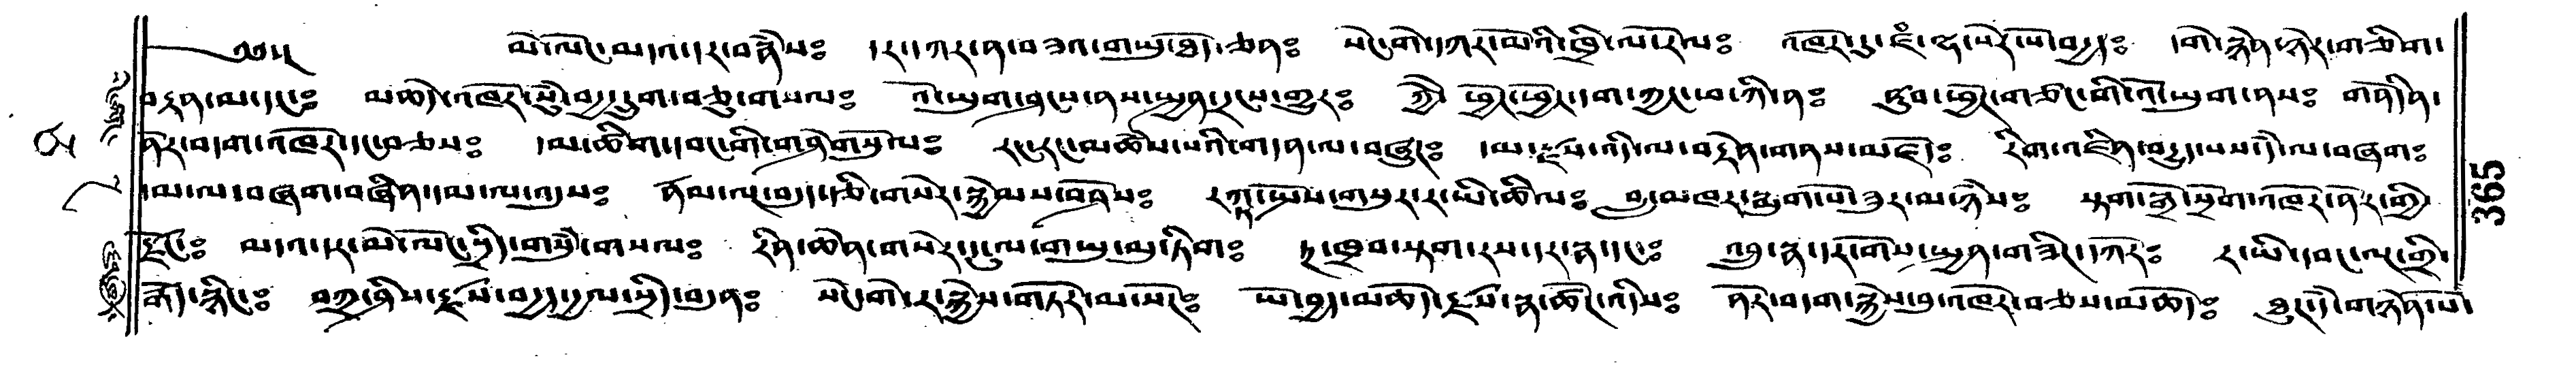མེ་ལོང་མདའ་དར་བསྣམས༔ དར་དཀར་ན་བཟའ་གཡུ་ཐོད་ཅན༔ སེང་གེ་དཀར་མོའི་ཁྲི་ལ་རོལ༔ འཁོར་དུ་ཛཾ་ལ་སེར་པོ་བརྒྱད༔ དགེ་སྙེན་ཉེར་གཅིག་
བརྟན་མ་དང༔ མཆེད་འཁོར་སུམ་བརྒྱ་དྲུག་བཅུ་གསལ༔ འོ་ཡུག་ཤངས་ནས་སྤྱན་དྲངས་གྱུར༔ ཀྱཻ༔ ཕྱོགས་ཕྱོགས་དག་ཀྱང་ཕ་ཀི་ན༔ ནུབ་ཕྱོགས་གཙང་གི་འོ་ཡུག་ནས༔ གནོད་བྱིན་
ནོར་བདག་འཁོར་དང་བཅས༔ དམ་ཚིག་དབང་གིས་གཤེགས་སུ་གསོལ༔ རང་རང་མཚམས་པའི་གདན་ལ་བཞུགས༔ དམ་རྫས་འདི་ལ་བརྟེན་གནས་མཛོད༔རིག་འཛིན་བརྒྱུད་པས་དམ་ལ་བཞག༔ 
དམ་ལ་བཞག་བཞིན་དམ་ལ་འདུས༔ རྣམ་ལྔ་བདུད་རྩི་གསེར་སྐྱེམས་བཤོས༔ རཀྟ་སྤོས་གསུར་ར་ཡི་ཚིལ༔ བླ་མཁར་སྨུག་པོ་ཟུར་མ་ཉམས༔ སྟག་སྒྲོ་སྲོག་འཁོར་ནོར་གྱི་
རྫོང༔ །མདའ་དར་མེ་ལོང་སྲིད་གསུམ་གསལ༔ རིན་ཆེན་གསེར་དངུལ་གཡུ་མུ་ཏིག༔ རྔ་ཁྲབ་སྟག་རས་དར་སྣ་དང༔ འབྲུ་སྣ་དར་གོས་སྤྱན་གཟིགས་དཀོར༔ ར་ཡི་དབང་ལྔ་གྲི་
སྒོད་སྙིང༔ བཀྲ་ཤིས་རྫས་བརྒྱད་རྒྱལ་སྲིད་བདུན༔ སེང་གེ་ར་སྐྱེས་གཏོར་མ་སོགས༔ ཡོ་བྱད་མཆོད་རྫས་སྣ་ཚོགས་འདིས༔ ནོར་བདག་སྐྱེས་བུ་འཁོར་བཅས་མཆོད༔ ཐུགས་དམ་གཉེན་པོ་